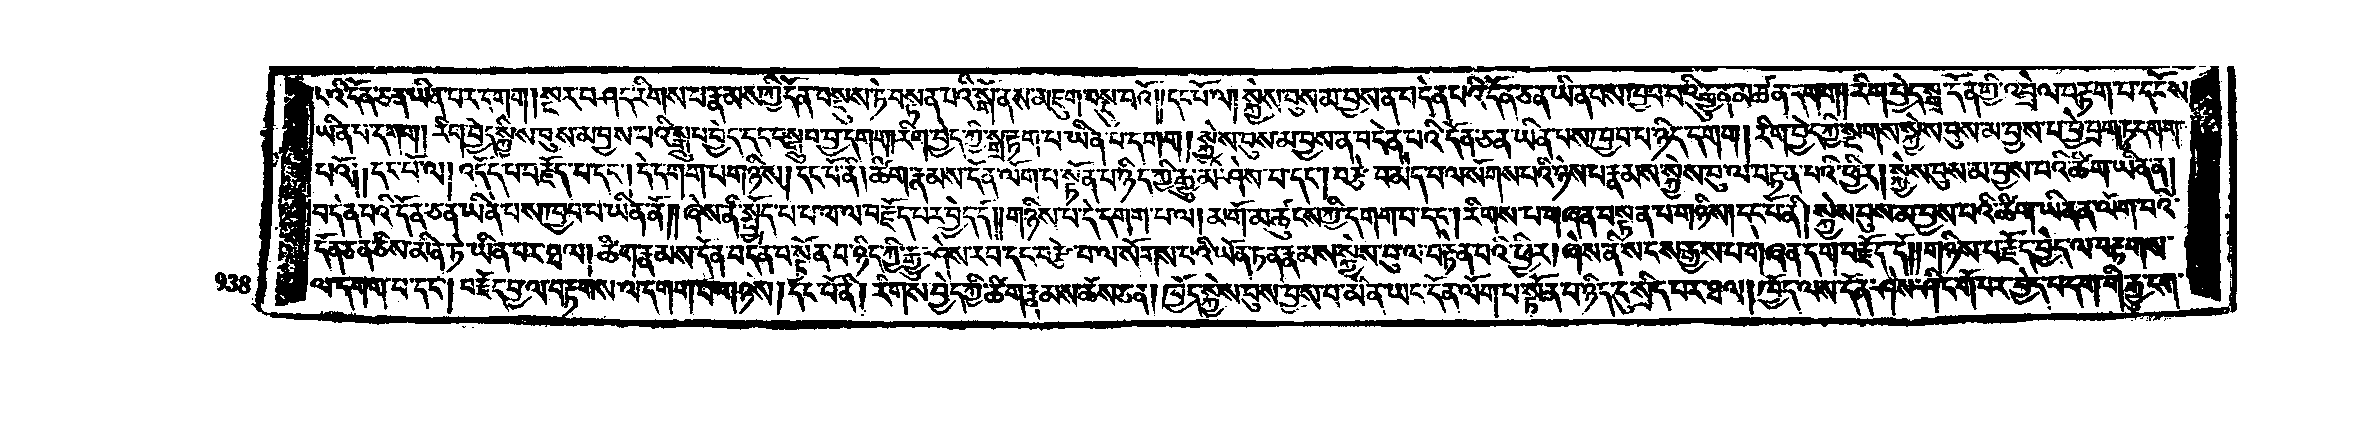པའི་དོན་ཅན་ཡིན་པར་དགག། སྔར་བཤད་རིགས་པ་རྣམས་ཀྱི་དོན་བསྡུས་ཏེ་བསྟན་པའི་སྒོ་ནས་མཇུག་བསྡུ་བའོ། །དང་པོ་ལ། སྐྱེས་བུས་མ་བྱས་ན་བདེན་པའི་དོན་ཅན་ཡིན་པས་ཁྱབ་པའི་རྒྱུ་མཚན་དགག །རིག་བྱེད་སྒྲ་དོན་གྱི་འབྲེལ་བ་རྟག་པ་དངོས་
ཡིན་པ་དགག །རིག་བྱེད་སྐྱེས་བུས་མ་བྱས་པའི་སྒྲུབ་བྱེད་དང་བསྒྲུབ་བྱ་དགག། རིག་བྱེད་ཀྱི་སྒྲ་རྟག་པ་ཡིན་པ་དགག། སྐྱེས་བུས་མ་བྱས་ན་བདེན་པའི་དོན་ཅན་ཡིན་པས་ཁྱབ་པ་ཉིད་དགག། རིག་བྱེད་ཀྱི་སྔགས་སྐྱེས་བུས་མ་བྱས་པ་བྱེ་བྲག་ཏུ་དགག་
པའོ། །དང་པོ་ལ། འདོད་པ་བརྗོད་པ་དང་། དེ་དགག་པ་གཉིས། དང་པོ་ནི། ཚིག་རྣམས་དོན་ལོག་པ་སྟོན་པ་ཉིད་ཀྱི་རྒྱུ་མི་ཤེས་པ་དང་། བརྩེ་བ་མེད་པ་ལ་སོགས་པའི་ཉེས་པ་རྣམས་སྐྱེས་བུ་ལ་བརྟན་པའི་ཕྱིར། སྐྱེས་བུས་མ་བྱས་པའི་ཚིག་ཡིན་ན།
བདེན་པའི་དོན་ཅན་ཡིན་པས་ཁྱབ་པ་ཡིན་ནོ། །ཞེས་ནི་སྤྱོད་པ་པ་ལ་ལ་བརྗོད་པར་བྱེད་དོ། །གཉིས་པ་དེ་དགག་པ་ལ། མགོ་མཚུངས་ཀྱི་དགག་པ་དང་། རིགས་པ་གཞན་བསྟན་པ་གཉིས། དང་པོ་ནི། སྐྱེས་བུས་མ་བྱས་པའི་ཚིག་ཡིན་ན་ལོག་པའི་
དོན་ཅན་ཅིས་མིན་ཏེ་ཡིན་པར་ཐལ། ཚིག་རྣམས་དོན་བདེན་པ་སྟོན་པ་ཉིད་ཀྱི་རྒྱུ་ཤེས་རབ་དང་བརྩེ་བ་ལ་སོགས་པའི་ཡོན་ཏན་རྣམས་སྐྱེས་བུ་ལ་བརྟེན་པའི་ཕྱིར། ཞེས་ནི་སངས་རྒྱས་པ་གཞན་དག་བརྗོད་དོ། །གཉིས་པ་རྗོད་བྱེད་ལ་བརྟགས་
ལ་དགག་པ་དང་། བརྗོད་བྱ་ལ་བརྟགས་ལ་དགག་པ་གཉིས། དང་པོ་ནི། རིགས་བྱེད་ཀྱི་ཚིག་རྣམས་ཆོས་ཅན། ཁྱོད་སྐེཡས་བུས་བྱས་པ་མིན་ཡང་དོན་ལོག་པ་སྟོན་པ་ཉིད་དུ་སྲིད་པར་ཐལ། ཁྱོད་ལས་དོན་ཤེས་ཤིང་གོ་པར་བྱེད་པ་དག་གི་རྒྱུ་ངག་